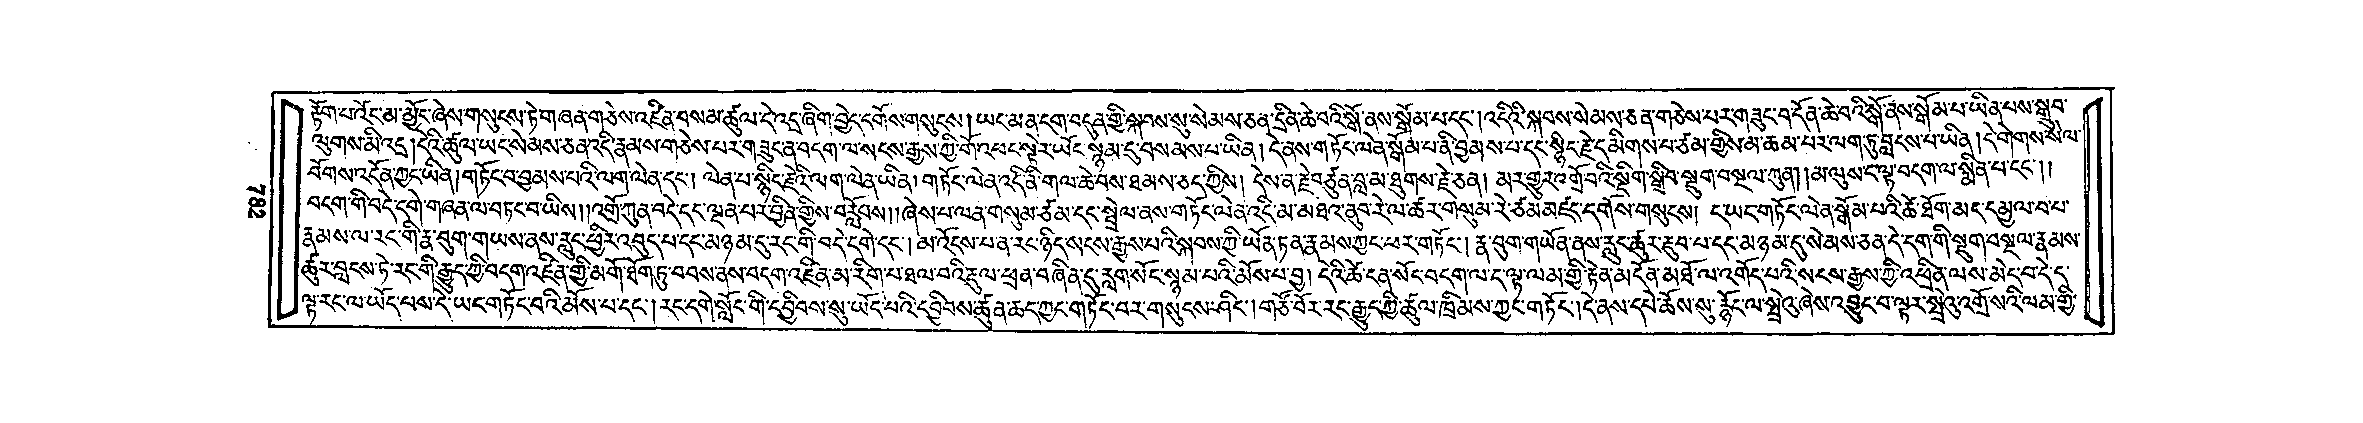རྟོག་པ་འོང་མ་མྱོང་ཞེས་གསུངས་ཏེ་གཞན་གཅེས་འཛིན་བསམ་ཚུལ་དེ་འདྲ་ཞིག་བྱེད་དགོས་གསུངས། ཡང་མན་ངག་བདུན་གྱི་སྐབས་སུ་སེམས་ཅན་དྲིན་ཆེ་བའི་སྒོ་ནས་སྒོམ་པ་དང་། འདིའི་སྐབས་སེམས་ཅན་གཅེས་པར་གཟུང་བ་དོན་ཆེ་བའི་སྒོ་ནས་སྒོམ་པ་ཡིན་པས་སྒྲུབ་
ལུགས་མི་འདྲ། དེའི་ཚུལ་ཡང་སེམས་ཅན་འདི་རྣམས་གཅེས་པར་གཟུང་ན་བདག་ལ་སངས་རྒྱས་ཀྱི་གོ་འཕང་སྟེར་ཡོང་སྙམ་དུ་བསམས་པ་ཡིན། དེ་ནས་གཏོང་ལེན་སྒོམ་པ་ནི་བྱམས་པ་དང་སྙིང་རྗེ་དམིགས་པ་ཙམ་གྱིས་མ་ཆམ་པར་ལག་ཏུ་བླངས་པ་ཡིན། དེ་གེགས་སེལ་
བོགས་འདོན་ཀྱང་ཡིན། གཏོང་བ་བྱམས་པའི་ལག་ལེན་དང་། ལེན་པ་སྙིང་རྗེའི་ལག་ལེན་ཡིན། གཏོང་ལེན་འདི་ནི་གལ་ཆེ་བས་ཐམས་ཅད་ཀྱིས། དེས་ན་རྗེ་བཙུན་བླ་མ་ཐུགས་རྗེ་ཅན། མར་གྱུར་འགྲོ་བའི་སྡིག་སྒྲིབ་སྡུག་བསྔལ་ཀུན། །མ་ལུས་ད་ལྟ་བདག་ལ་སྨིན་པ་དང་།
བདག་གི་བདེ་དགེ་གཞན་ལ་བཏང་བ་ཡིས། །འགྲོ་ཀུན་བདེ་དང་ལྡན་པར་བྱིན་གྱིས་བརློབས། །ཞེས་པ་ལན་གསུམ་ཙམ་དང་སྦྲེལ་ནས་གཏོང་ལེན་འདི་མ་མཐའ་ནུབ་རེ་ལ་ཚར་གསུམ་རེ་ཙམ་མཛད་དགོས་གསུངས། ད་ཡང་གཏོང་ལེན་སྒོམ་པའི་ཚེ་ཐོག་མེད་དམྱལ་བ་པ་
རྣམས་ལ་རང་གི་རྣ་བུག་གཡས་ནས་རླུང་ཕྱིར་འབུད་པ་དང་མཉམ་དུ་རང་གི་བདེ་དགེ་དང་། མ་འོངས་པ་ན་རང་ཉིད་སངས་རྒྱས་པའི་སྐབས་ཀྱི་ཡོན་ཏན་རྣམས་ཀྱང་ཕར་གཏོང་། རྣ་བུག་གཡོན་ནས་རླུང་ཚུར་རྡུབ་པ་དང་མཉམ་དུ་སེམས་ཅན་དེ་དག་གི་སྡུག་བསྔལ་རྣམས་
ཚུར་བླངས་ཏེ་རང་གི་རྒྱུད་ཀྱི་བདག་འཛིན་གྱི་མགོ་ཐོག་ཏུ་བབས་ནས་བདག་འཛིན་མ་རིག་པ་ཐལ་བའི་རྡུལ་ཕྲན་བཞིན་དུ་རླག་སོང་སྙམ་པའི་མོས་པ་བྱ། དེའི་ཚེ་ངན་སོང་བདག་ལ་ད་ལྟ་ལམ་གྱི་རྟེན་མངོན་མཐོ་ལ་འགོད་པའི་སངས་རྒྱས་ཀྱི་འཕྲིན་ལས་མེད་པ་དེ་ད་
ལྟ་རང་ལ་ཡོད་པས་དེ་ཡང་གཏོང་བའི་མོས་པ་དང་། རང་དགེ་སློང་གི་དབྱིངས་སུ་ཡོད་པའི་དབྱིབས་ཚུན་ཆད་ཀྱང་གཏོང་བར་གསུངས་ཤིང་། གཙོ་བོར་རང་རྒྱུད་ཀྱི་ཚུལ་ཁྲིམས་ཀྱང་གཏོང་། དེ་ནས་དཔེ་ཆོས་སུ་རྙོང་ལ་སྤྲེའུ་ཞེས་འབྱུང་བ་ལྟར་སྤྲེའུ་འགྲོ་སའི་ལམ་གྱི་